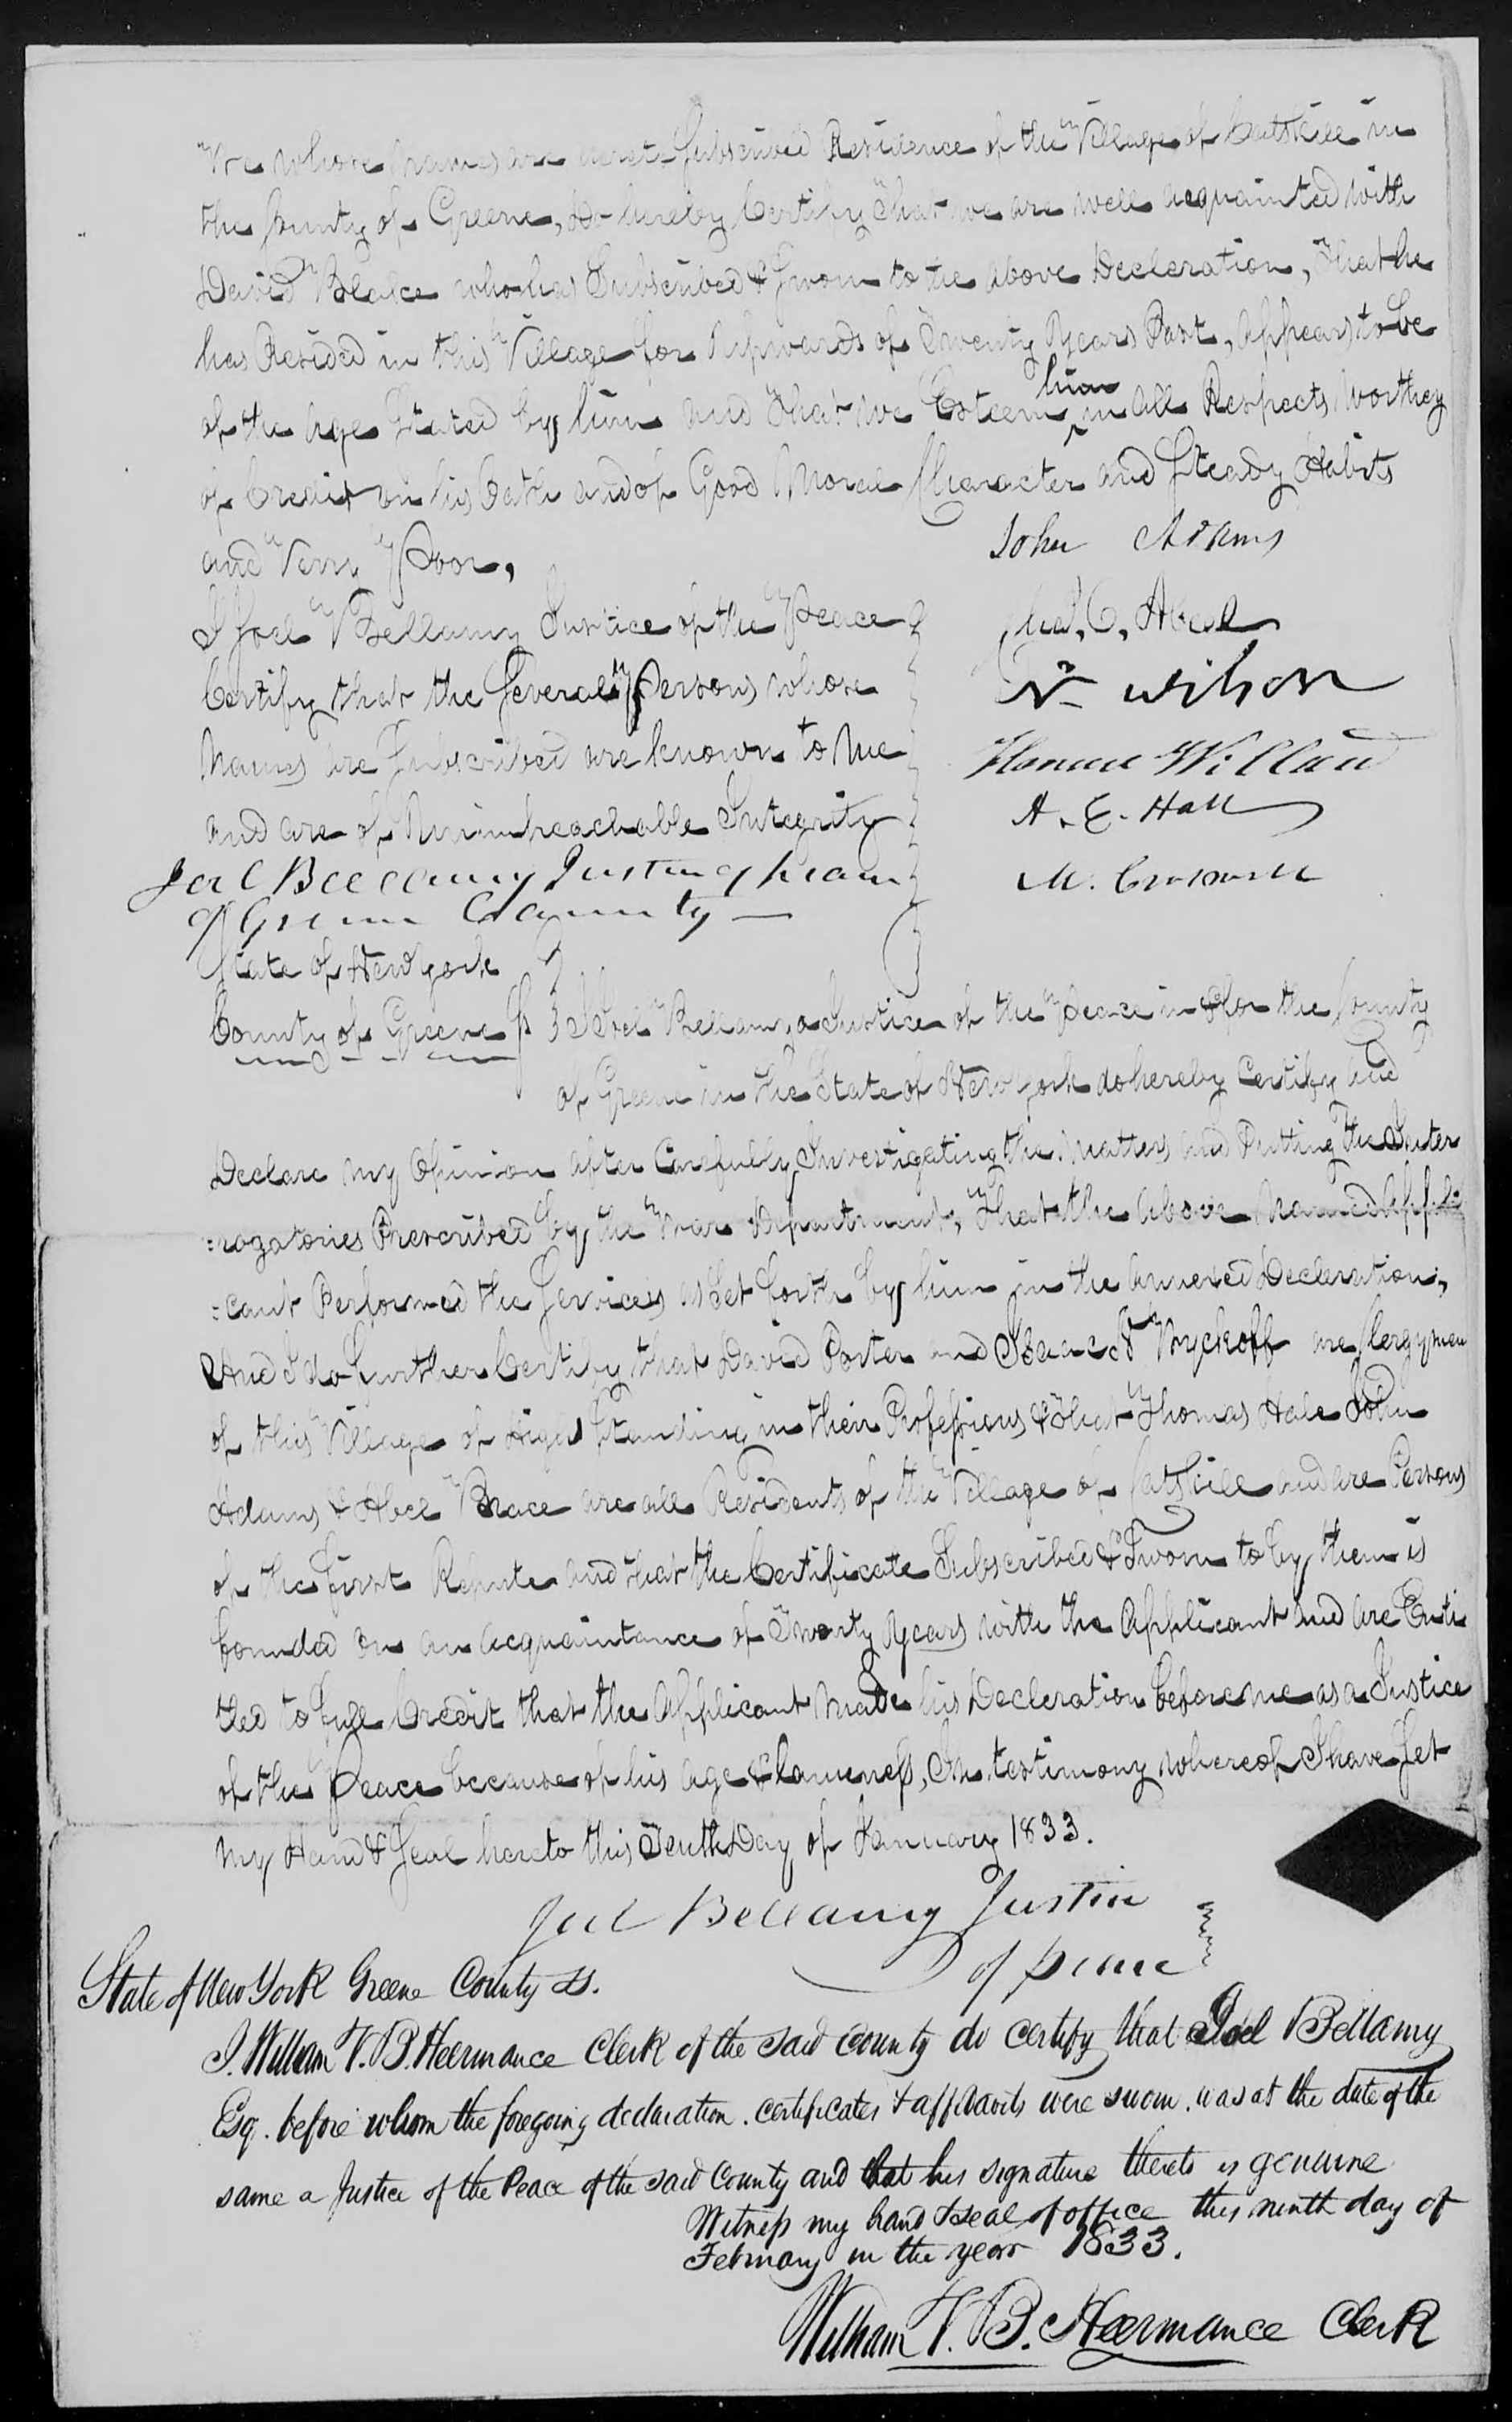We whose names are [illegible] Subscribed Residence of the Village of Catskill in
the County of Greene, do hereby Certify that we are well acquainted with
Davie Blake who by subscribed & Sworn to the above declaration, That he
has resided in this place for upwards of Twenty years Past, appears to be
of the age stated by him and that we Esteem him in all Respects worthey
Credit in his Oath and of Good moral character and steady habits
and very poor 
I Joel Bellamy Justice of the peace Certify that the several persons whose
names are Subscribed are known to me
and are of unimpeachable integrity
Joel Bellamy Justice of Peace
of Greene County
State of New York
John Atkins
[illegible]
N. Wilson
Horace Willard
A. E. Hall
M. Croswell

County of Greene
I Joel Bellamy Justice of the peace in & for the County
of Greene in the state of New York do hereby certify and
Declare my opinion after carefully investigating the matters and putting the [illegible]
[illegible] prescribed by the War Department, That the above named applicant
performed the services set forth by him in the annexed Declaration,
and I do further Certify that David Porter and Isaac Wyckoff are Clergyman
of this Village of high standing in their Professions & other Thomas Hale John
Adams & Abel Brace are all residents of the Village of Catskill  and are persons
of the first Repute and hear the Certificate Subscribed & Sworn to by them is
founded on an acquaintance of Twenty years with the applicant and are certified
to full Credit that the Applicant made his Declaration before me as a Justice
of the Peace because of his age & lameness, the testimony whereof I have set
my Hand & Seal hereto this Tenth Day of January 1833
Joel Bellamy Justice
of Peace
State of New York Greene County
I William T. B. Hermance Clerk of the said County do certify that Joel Bellamy
Esq. before whom the foregoing declaration certificates & affdavits were sworn was at the date of the
same a Justice of the Peace of the said County and that his signature thereto is genuine
Witness my hand & seal of office this ninth day of
February in the year 1833
William V.B. Heermance Clerk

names: N Wilson, John Adams, Isaac H Wyckoff, A E Hall, Abel Brace, M Croswell, Horace Willard, David Porter, Thomas Hale, David Blake, Ches C Abeel, Joel Bellamy, Joel Bellamy, Joel Bellamy, John Adams, Joel Bellamy, William V B Heermance, William V B Heermance, Joel Bellamy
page: 21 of 21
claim: survivor's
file: S. 23,128, David Blake, Conn.